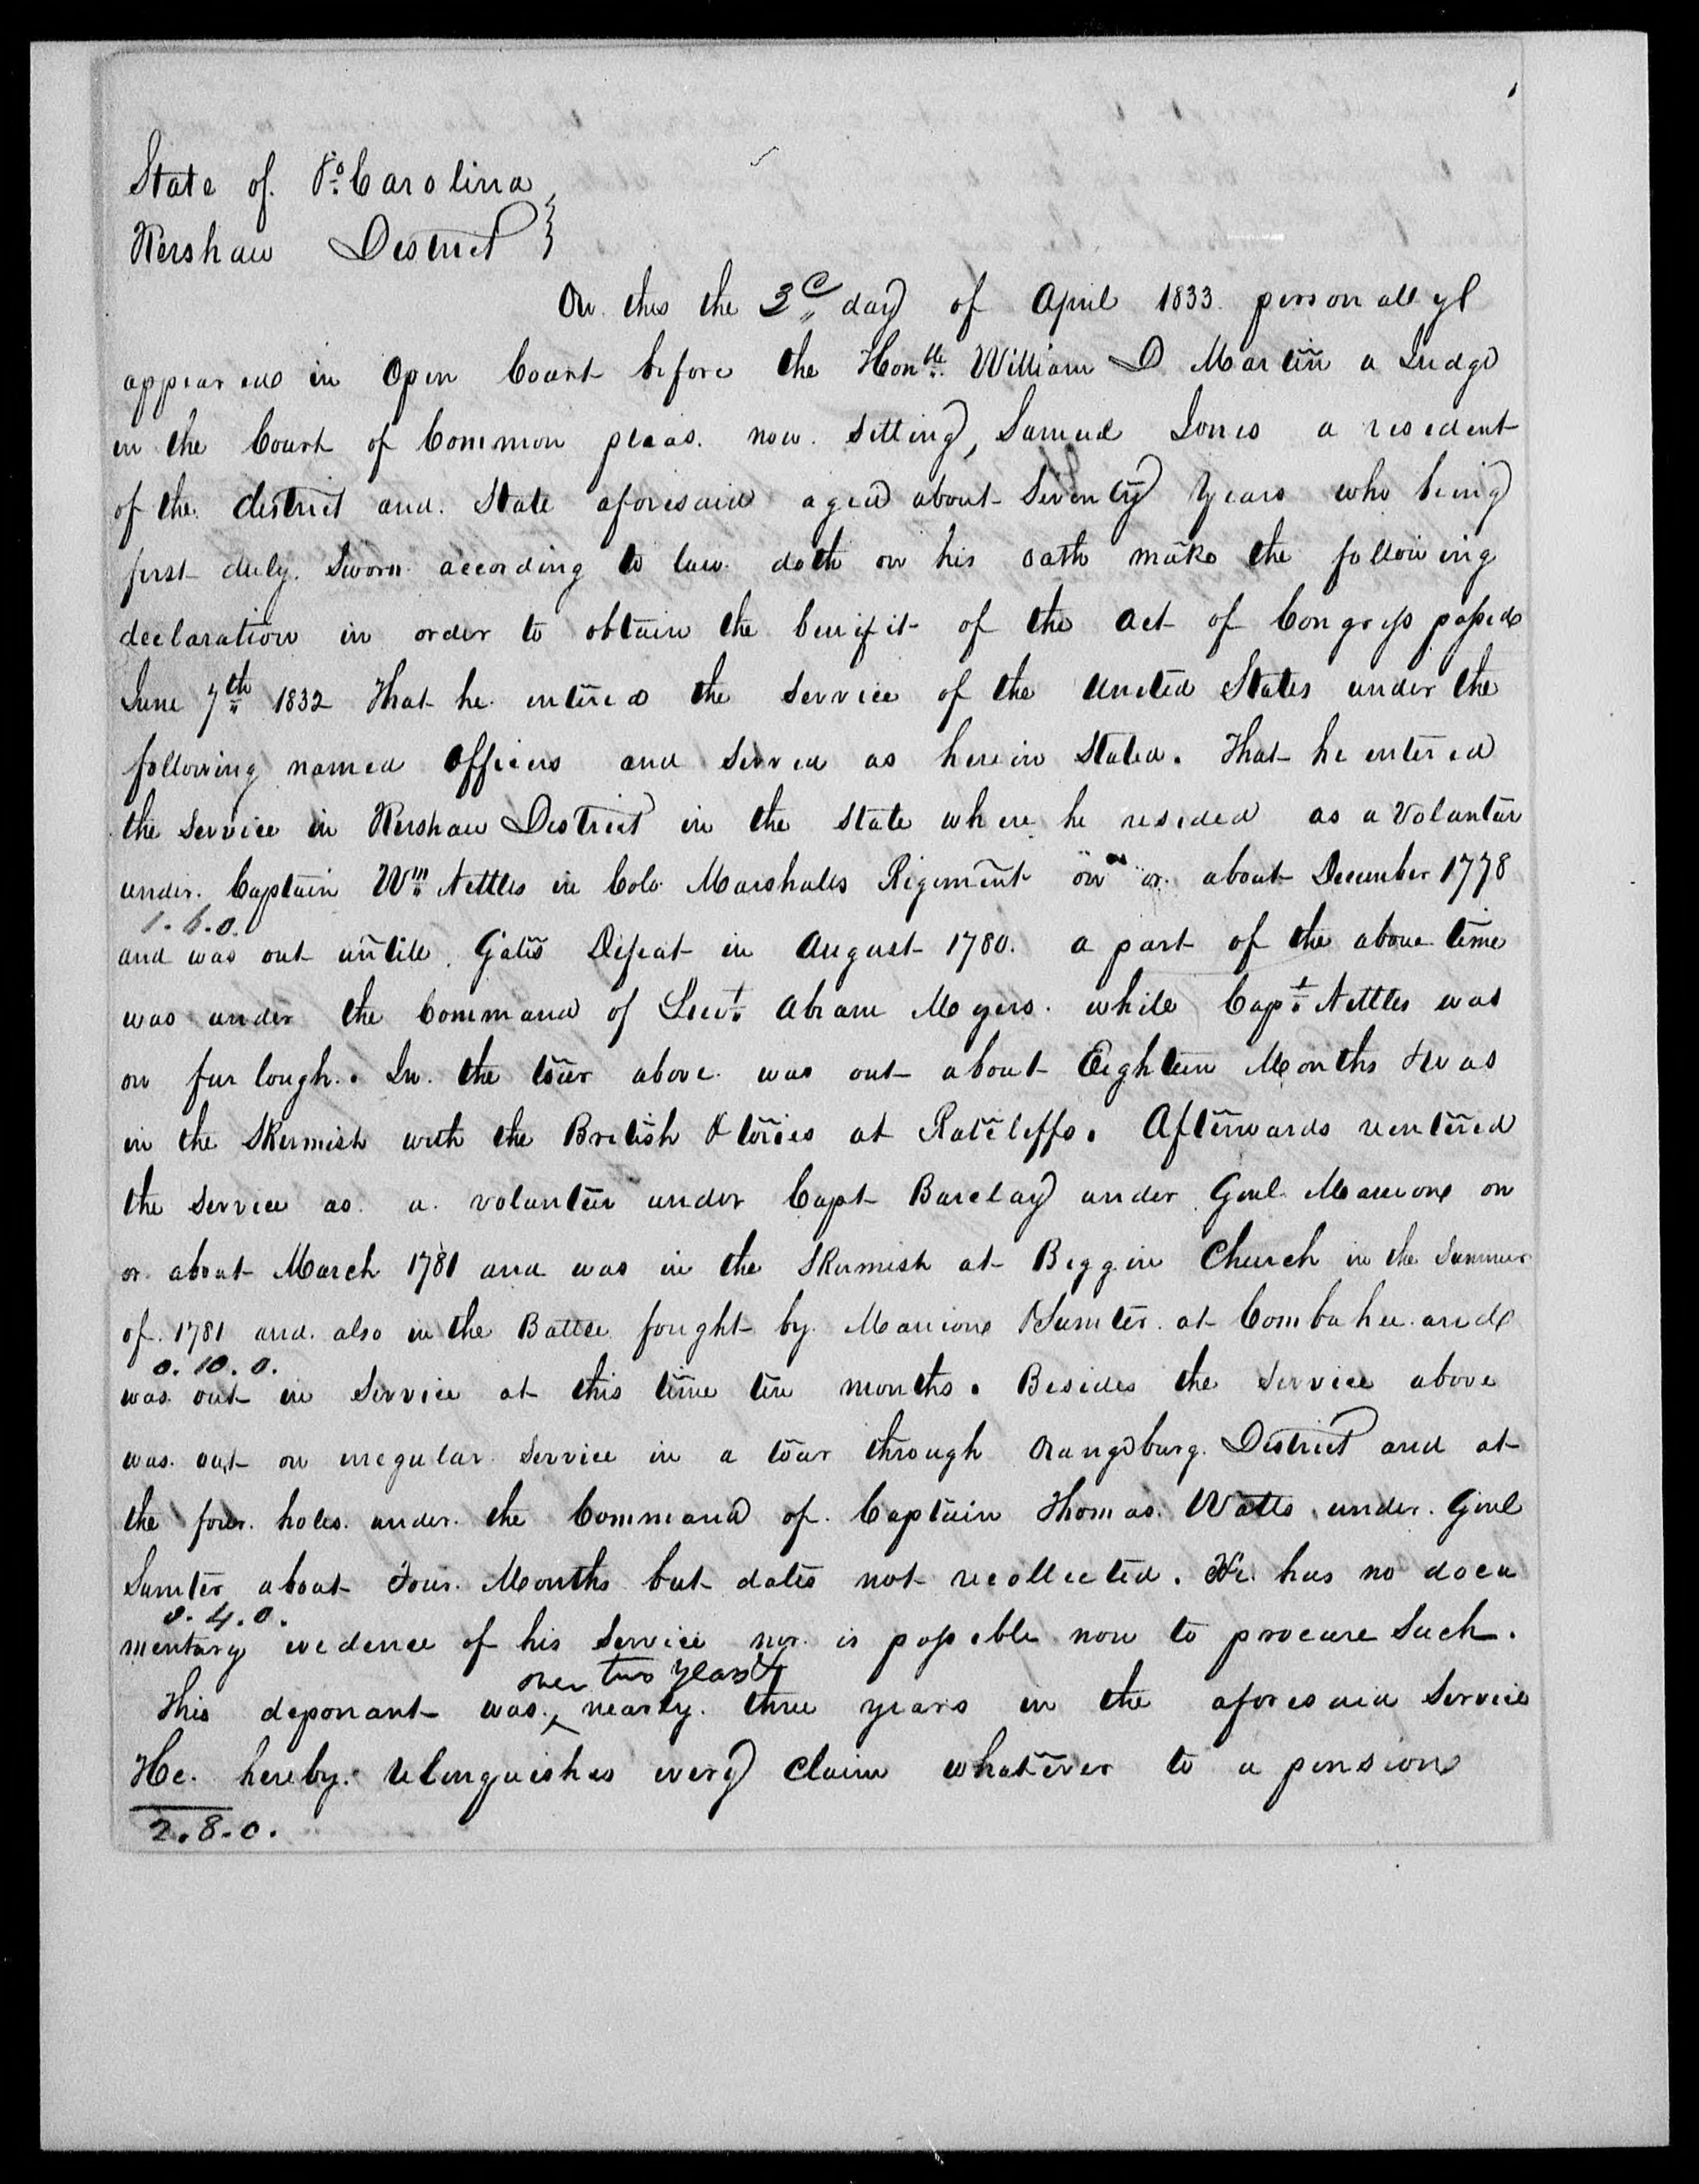State of So. Carolina 
Kershaw District 
On this the 3d day of April 1833 personally appeared in open Court before the Hon William D. Martin a Judge in the Court of Common pleas now sitting, Samuel Jones a resident of the district and State aforesaid aged about seventy years who being first duly sworn according to law doth on his oath make the following declaration in order to obtain the benefit of the act of Congress passed June 7th 1832 That he entered the service of the United States under the following named officers and served as herein stated. That he entered the service in Kershaw District in the State where he resided as a Volunteer under Captain Wm Nettles in Col Marshalls Regiment on or about December 1778 1.6.0 and was out untill Gates defeat in August 1780. a part of the above time was under the command of Leut Abram Myers. While Capt Nettles was on furlough. In the tour above was out about Eighteen Months & was in the Skirmish with the British tories at Ratliffs. Afterwards reentered the service as a volunteer under Capt Barclay under Genl Marion on or about March 1781 and was in the Skirmish at Biggin Church in the Summer of 1781 and also in the Battle fought by Marion Sumter at Combahee and 0.10.0. was out in service at this time two months. Besides the service above was out on regular service in a tour through Orangeburg District and at the four holes under the command of Captain Thomas Watts under Genl Sumter about four months but does not recollect. He has no documentary 0.4.0 evidence of his service is possible now nor is possible now to procure such this deponant was over two years nearly three years in the aforesaid service He hereby relinquishes every claim whatever to a pension 2.8.0.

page: 4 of 28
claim: survivor's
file: S. 21844, for Samuel Jones, South Carolina